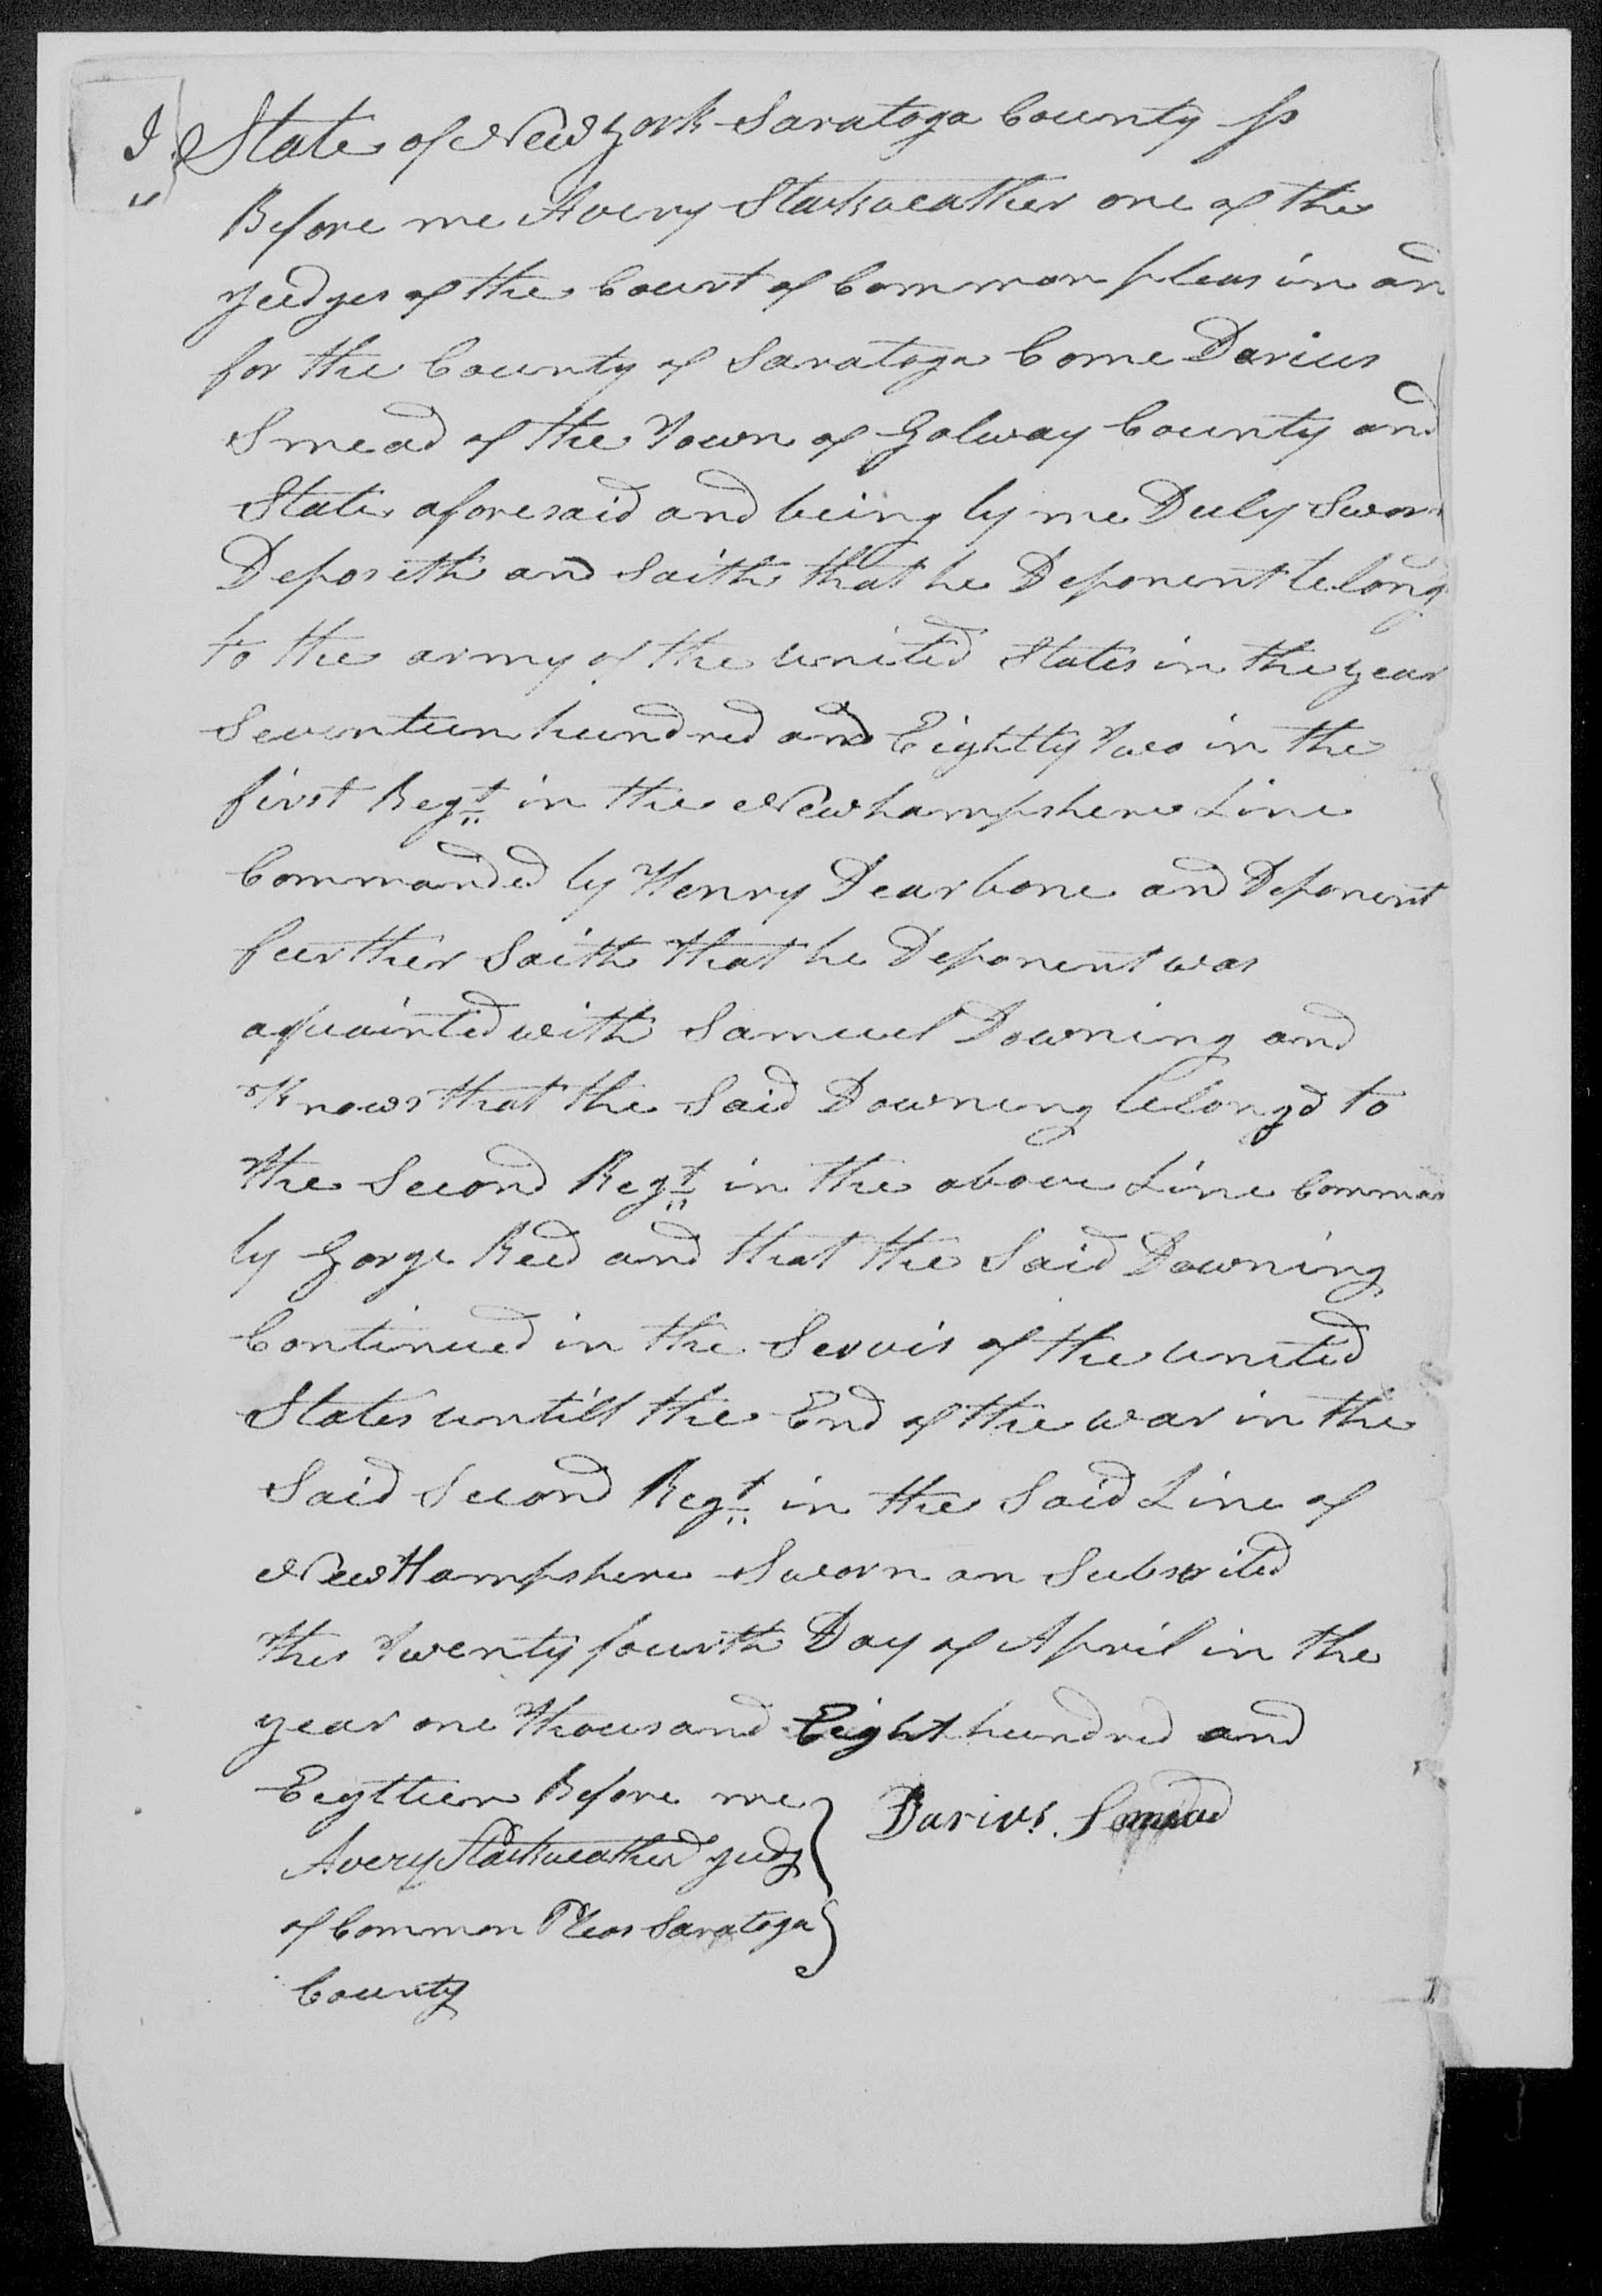State of New York Saratoga County ss
Before me Avery Starkweather one of the
Judges of the Court of Common Pleas in an
for the County of Saratoga Come Darius
Smead of the Town of Galway County and
State aforesaid and being by me duly Sworn
Deposeth and saith that he Deponent belong
to the army of the United States in the year
Seventeen hundred and Eighty two in the
first Regt in the Newhampshire Line
Commanded by Henry Dearbone and Deponent
further saith that he deponent was
acquainted with Samuel Downing and
knows that the said Downing belonged to
the Second Regt in the above Line Commis
by George Reed and that the said Downing
Continued in the Servis of the United States
until the End of the war in the
Said Second Regt in the said Line of
New Hampshire Sworn and Subscribed
this Twenty fourth day of April in the
year one thousand Eight hundred and
Eighteen before me  Davies Smead
Avery Starkweather Judge of Common Pleas Saratoga
County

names: Darius Smead, Avery Stockweather, Darius Smead, Downing, Henry Dearborn, Avery Stockweather, Samuel Downing, Gorge Red, Downing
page: 51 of 56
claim: survivor's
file: S. 40,055, Samuel Downing, N.H.